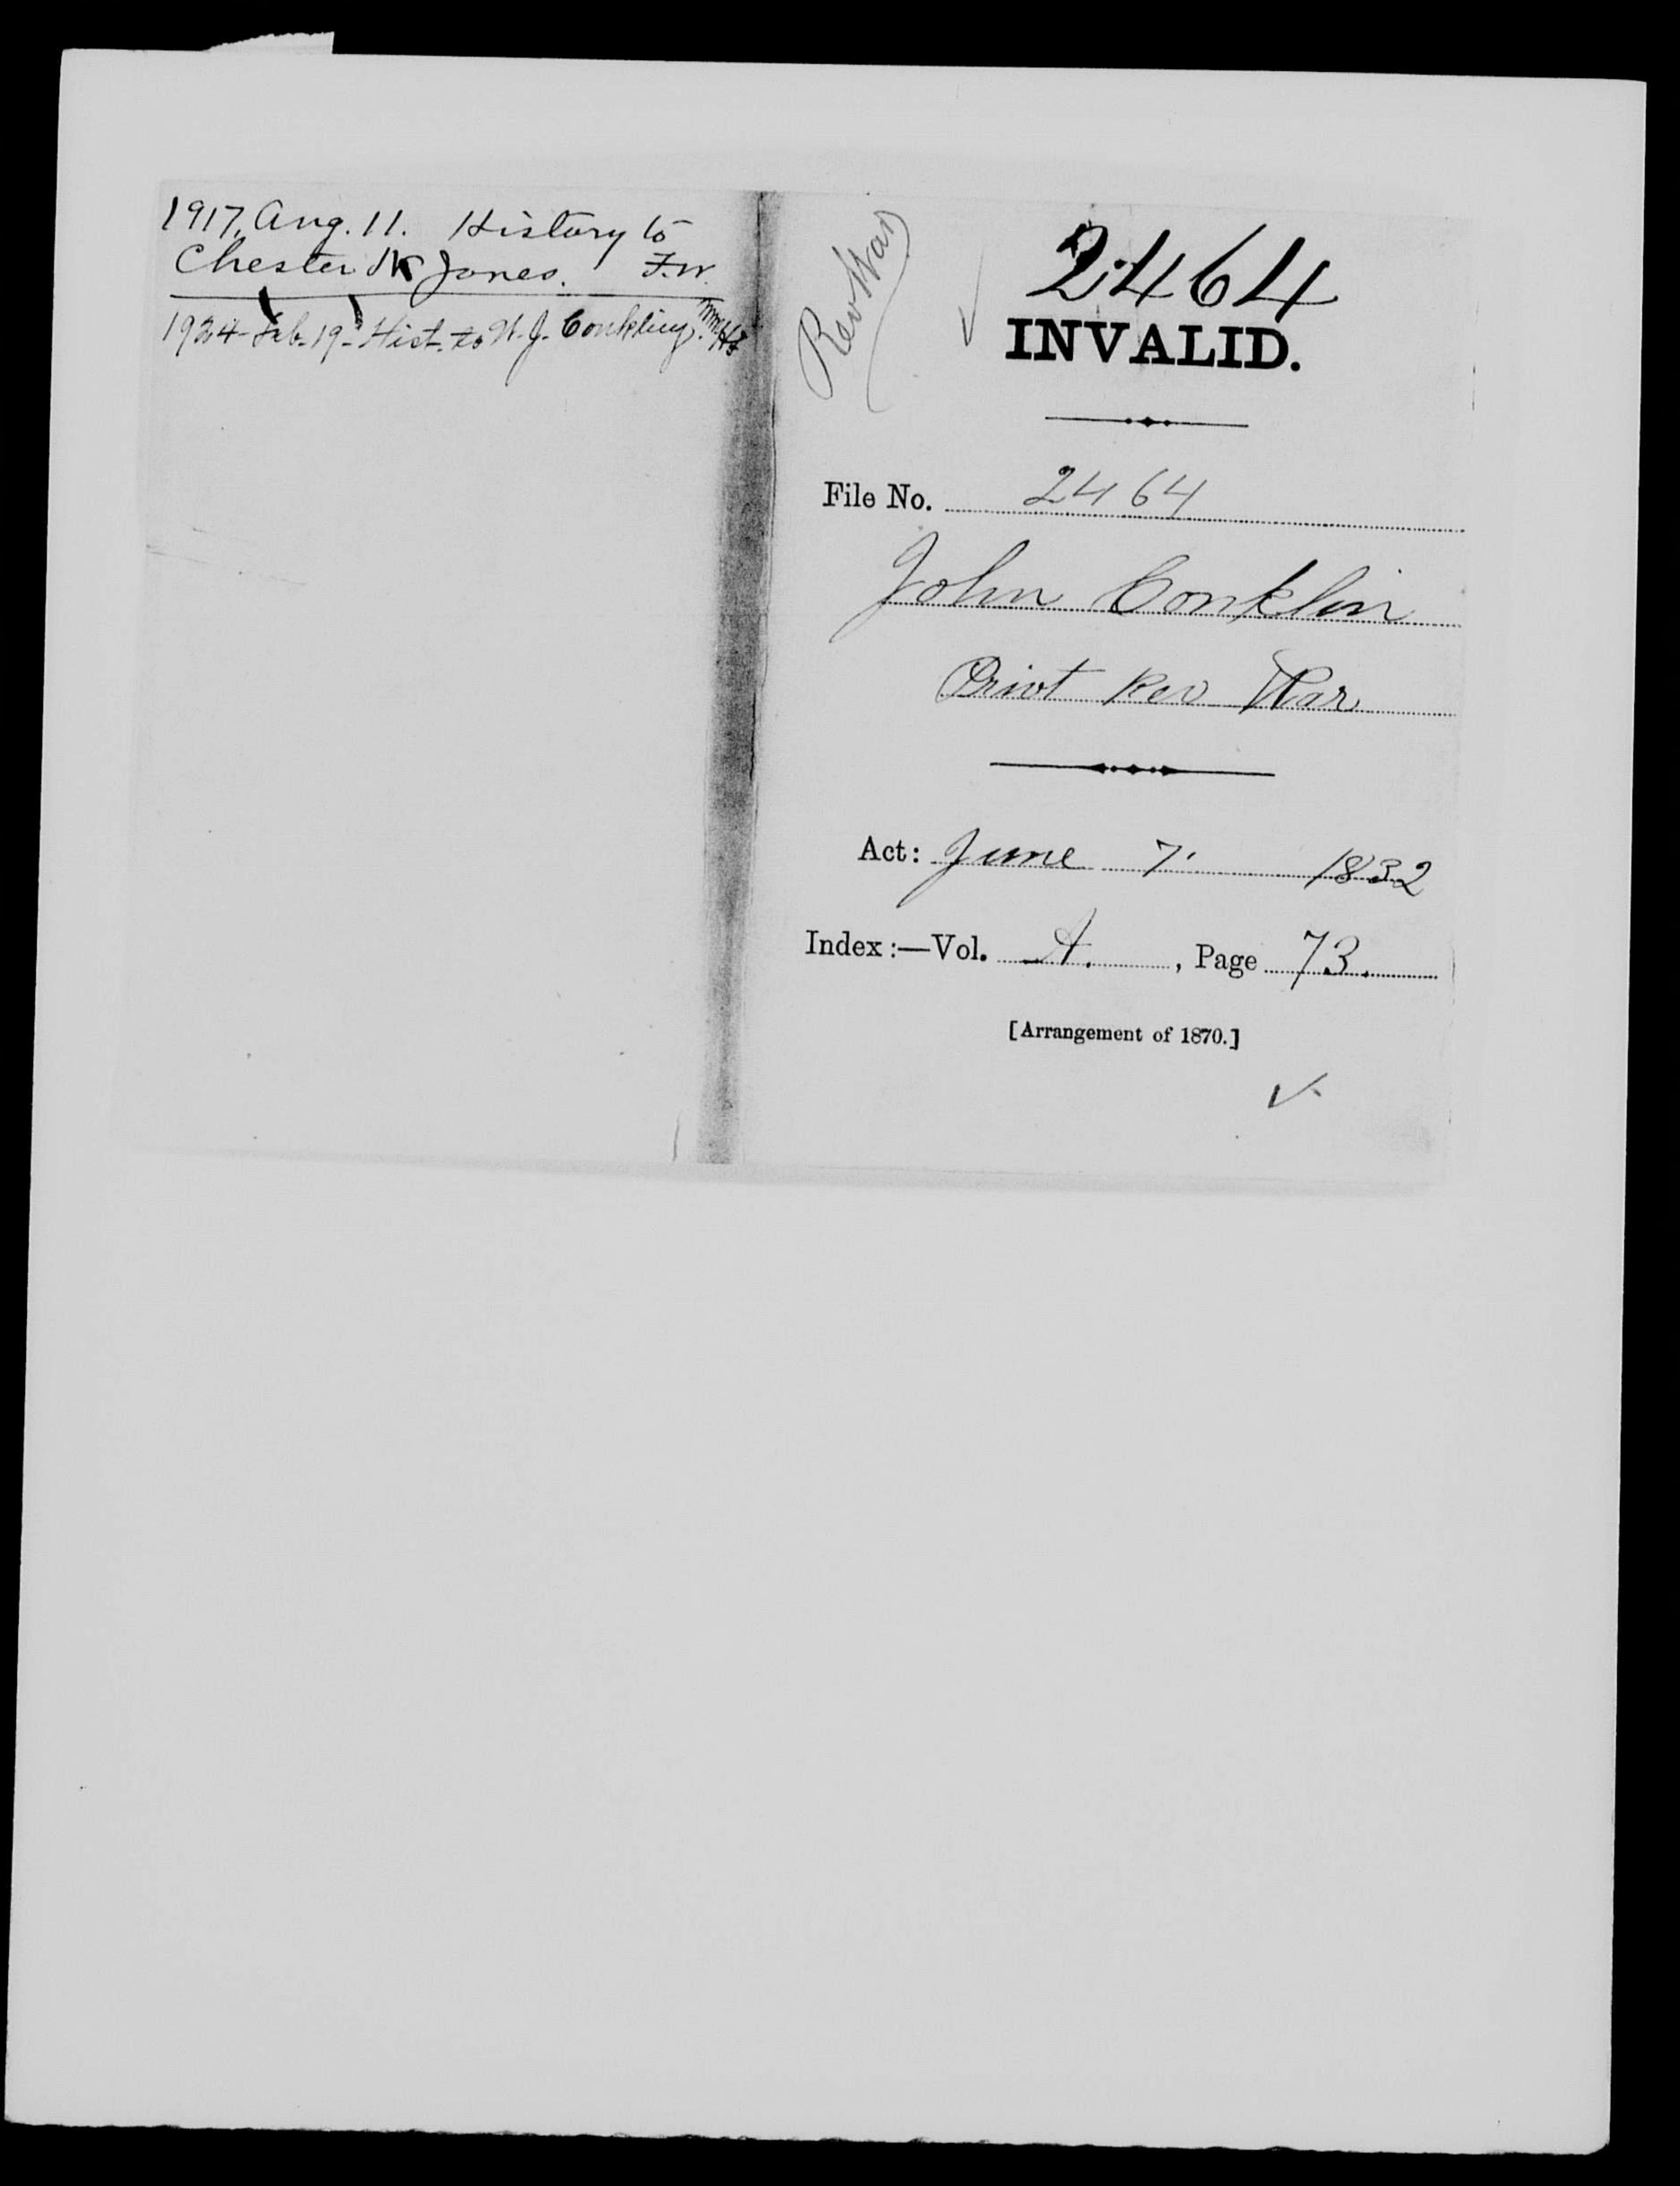1917, Aug. 11. History to
Chester Jones.    F.W.

1924 Feb. 19. Hist. to W. J. Conkling

Rev War
2464
INVALID.
File No. 2464
John Conklin
Privt Rev War
Act: June 7 1832
Index: --Vol. A. Page 73.

[Arrangement of 1870.]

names: John Conklin, Chester N Jones, W J Conkling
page: 19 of 28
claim: survivor's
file: S 2464, John Conklin, New Jersey